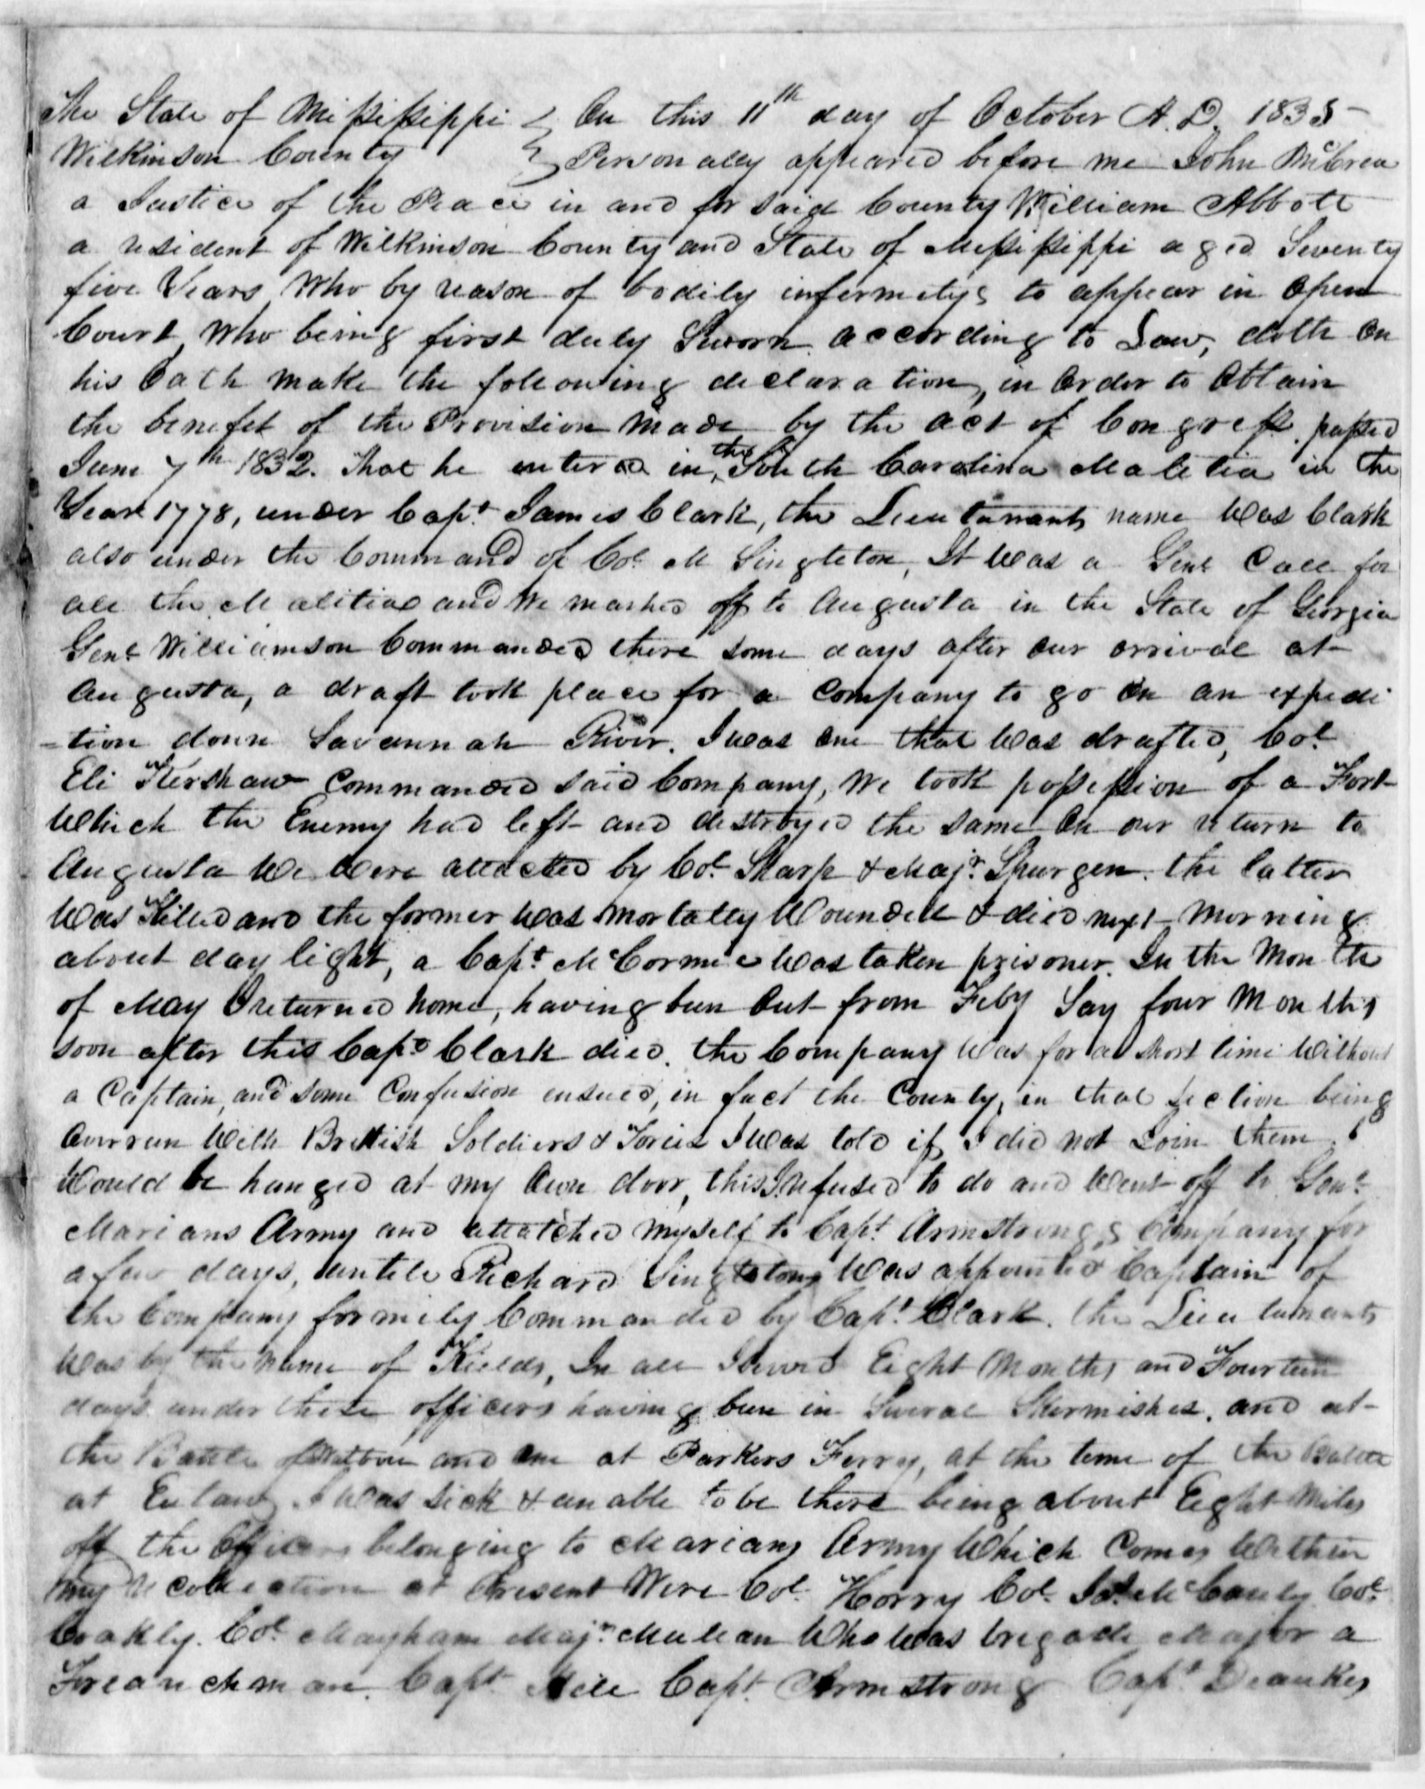The State of Mississippi
Wilkinson County
On this 11th day of October A.D. 1835 personally appeared before me John McCrea a Justice of the Peace in and for said County William Abbott a resident of Wilkinson County and State of Mississippi aged seventy five years, who by reason of bodily infirmitys to appear in open court, who being first duly sworn according to law, doth on his oath make the following declaration, in order to obtain the benefit of the provisions made by the act of Congress passed June 7th 1832. That he entered in the South Carolina Malitia in the year 1778, under Capt. James Clark, the Lieutenant's name was Clark also under the command of Col. M Singleton. It was a Genl call for all the Malitia and we marched off to Augusta in the State of Georgia Genl Williamson commanded there some days after our arrival at Augusta, a draft took place for a company to go on an expedition down Savannah River. I was one that was drafted, Col. Eli Kershaw commanded said company. We took possession of a Fort which the enemy had left and destroyed the same on our return to Augusta. We were attacked by Col. Sharp & Majr. Spurgen, the latter was killed and the former was mortally wounded & died next morning about daylight, a Capt. McCormac was taken prisoner. In the month of May I returned home, having been out from Feby say four months. Soon after this Capt. Clark died. The company was for a short time without a captain, and some confusion ensued, in fact the County, in that section being overrun with British soldiers & Tories. I was told if I did not join them I would be hanged at my own door, this I refused to do and went off to Genl. Marians Army and attached myself to Capt. Armstrong's company for a few days, until Richard Singleton was appointed Captain of the company formily commanded by Capt. Clark. The Lieutenant was by the name of Kields. In all I served eight months and fourteen days under these officers having been in several skirmishes, and at the Battle of Watbow and one at Parkers Ferry. At the time of the Battle at Eutaw [Springs] I was sick & unable to be there being about eight miles off the officers belonging to Marian's Army which comes within my recollection at present were Col. Horry, Col. Jas. McCauley Col. Coakly, Col. Mayham, Majr. Mullan who was brigade major, a Frenchman Capt.  Hill Capt. Armstrong Capt. Drankes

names: Marians, Clark, Horry, John Mc Crea, Richard Singleton, James Clark, Mulean, Williamson, Eli Kershaw, Armstrong, Mc Cormic, Mayham, Clark, William Abbott, Drankes, Coakly, Jas Mc Cauly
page: 4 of 38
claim: survivor's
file: S. 30. 239, William Abbott, S.C.